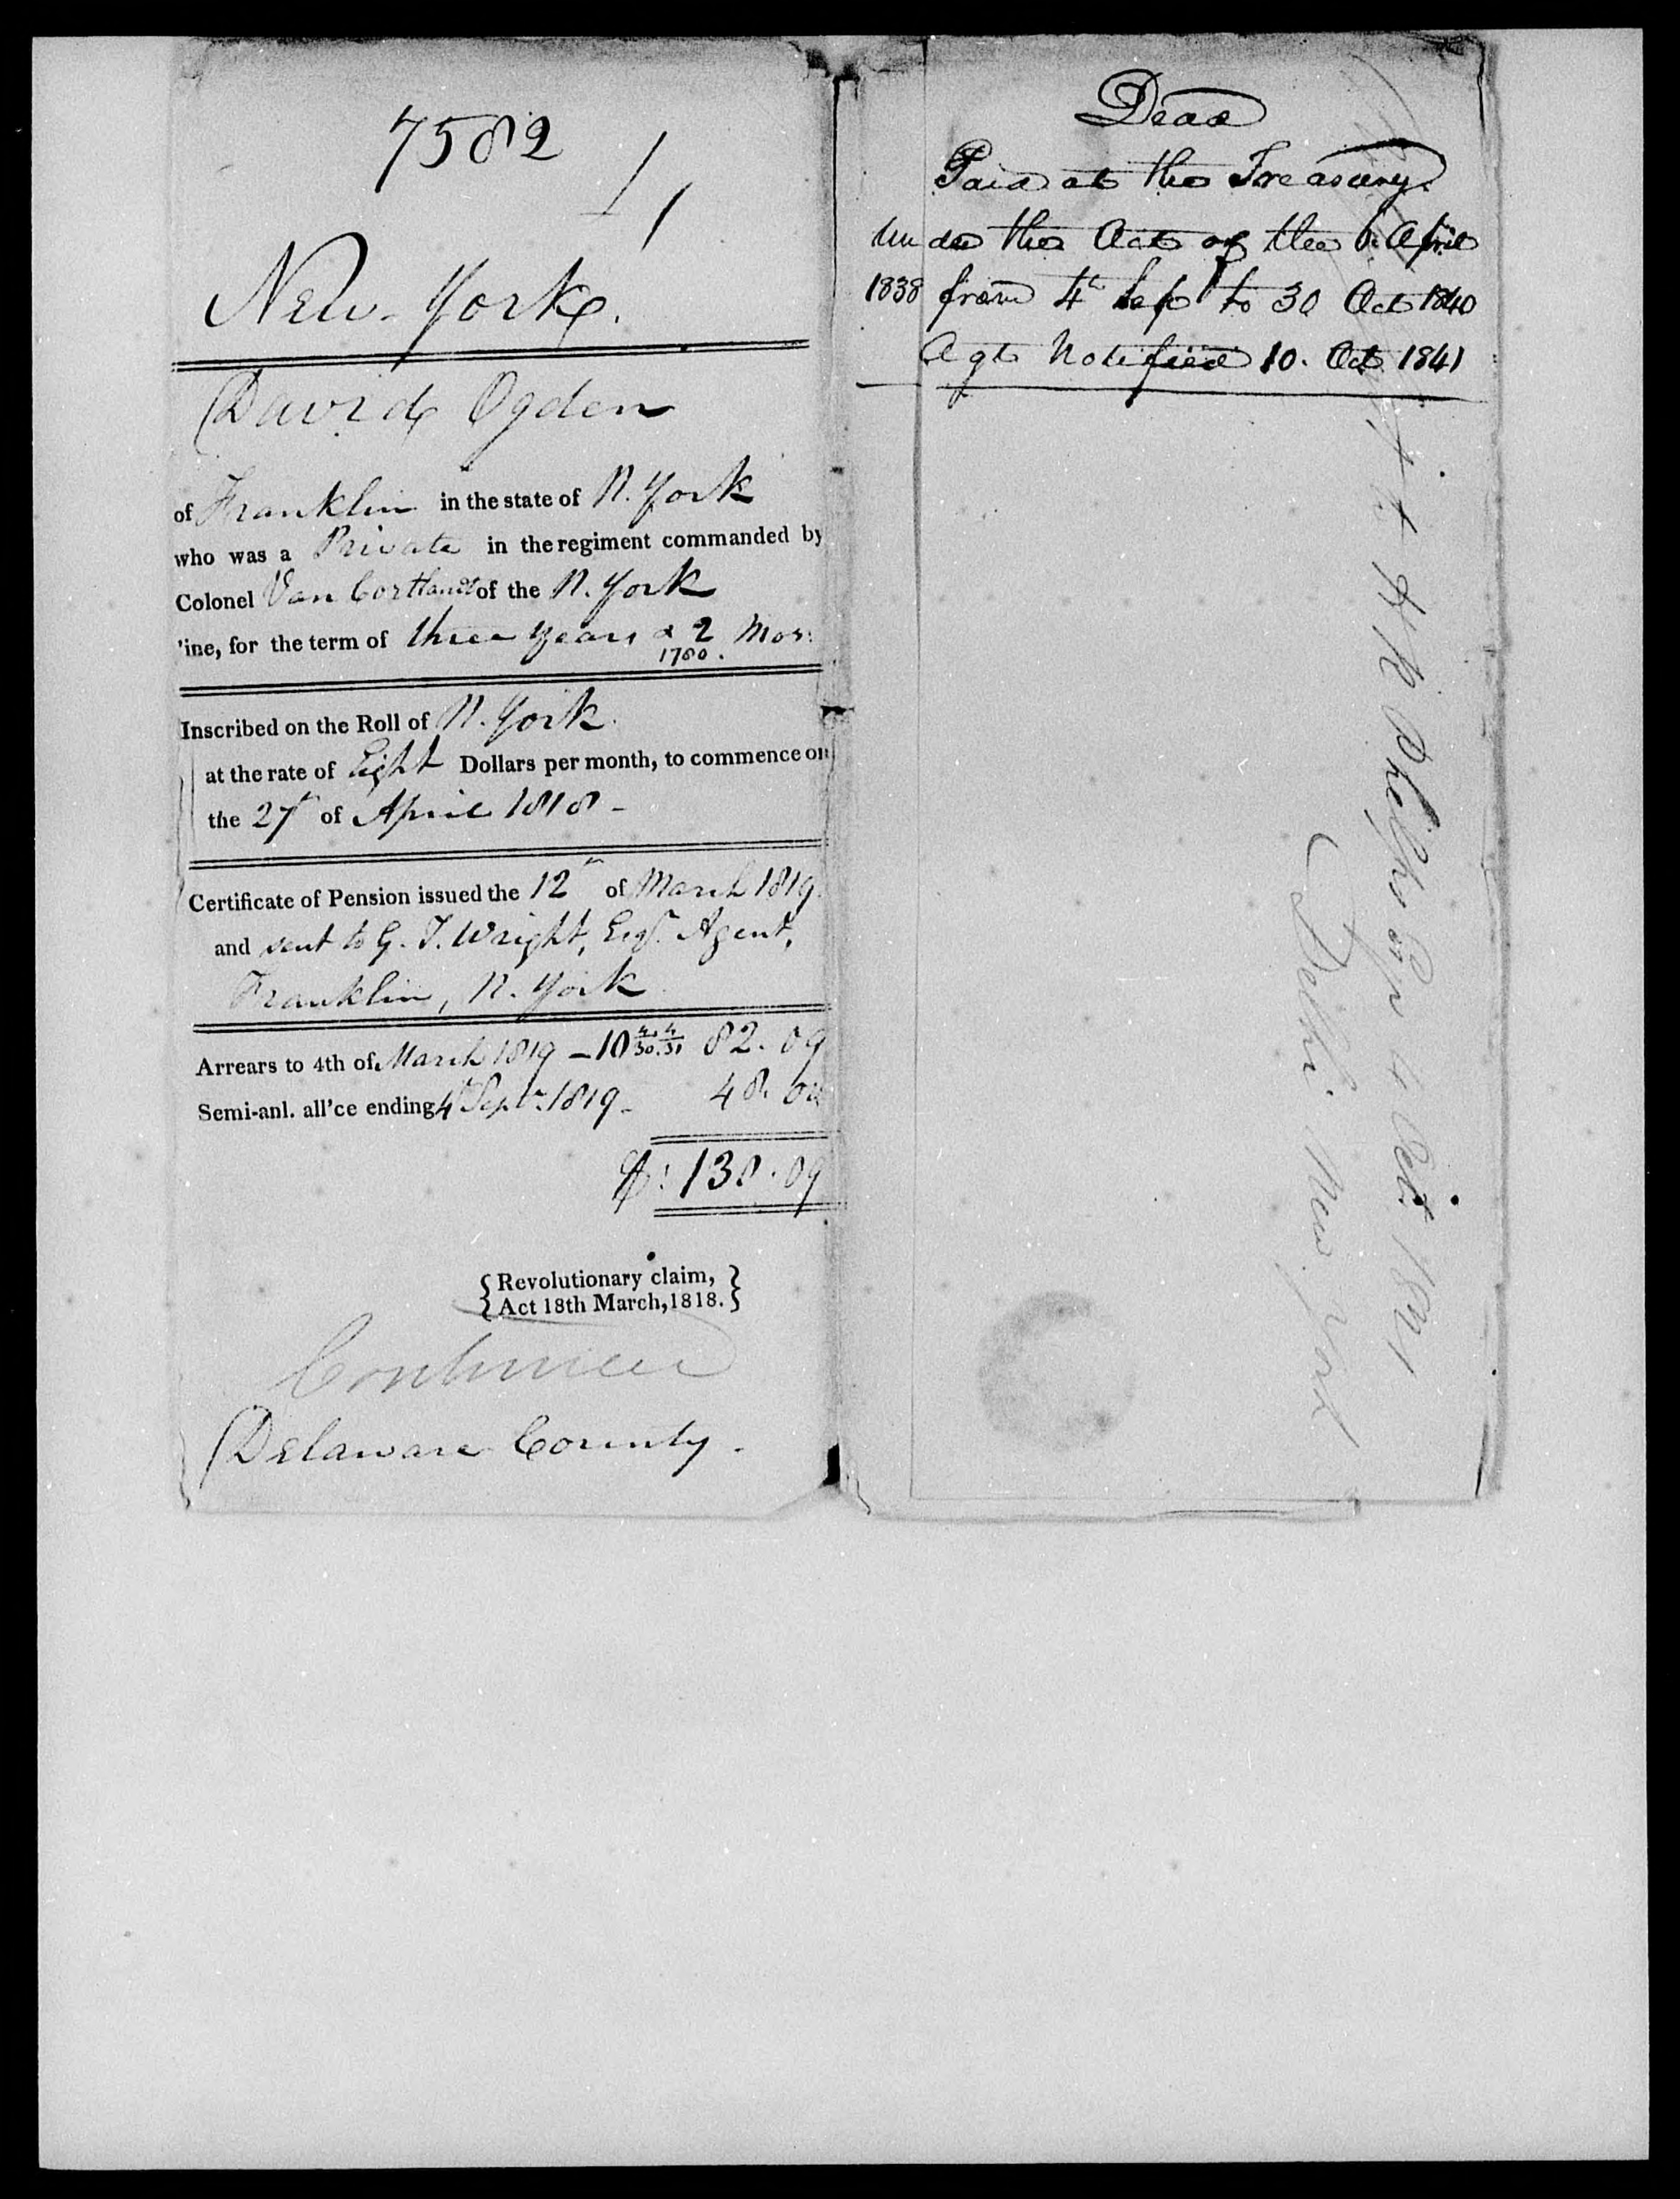[two column page]

[left side}
75012
New York.

David Ogden
of Franklin in the State of N. York
who was a Private in the regiment commanded by 
Colonel Van Cortlandt of the N. York
line, for the term of three years & 2 mos. 
1780.

Inscribed on the Roll of N. York
at the rate of Eight Dollars per month, to commence on 
the 27th of April 1818

Certificate of Pension issued the 12th of March 1819
and sent to G.T. Wright, Esqr. Agent,
Franklin, N. York

Arrears to 4th of March 1819 _10 4/30. 4/31 82.09
Semi-anl. all'ce ending 4th Septr 1819, 48.00
$130.09
[equation: $82.09 + 48.00 = $130.09]

{Revoltionary Claim,}
{Act 18th March, 1818.}

Continued
Delaware County.

[right side]
Dead
Paid at the Treasury
under the Act of the 6 April
1838 from 4th Sept to 30 Oct 1840
Agt notified 10. Oct 1841

[written sideways, on the far right]
Transfer first to H R Phelps Esqr 4 Oct 1841
Delhi New York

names: David Ogden; H R Phelps; G T Wright; [BLANK] Van Cortland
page: 2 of 40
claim: widow's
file: W. 24364, for David Ogden, New York